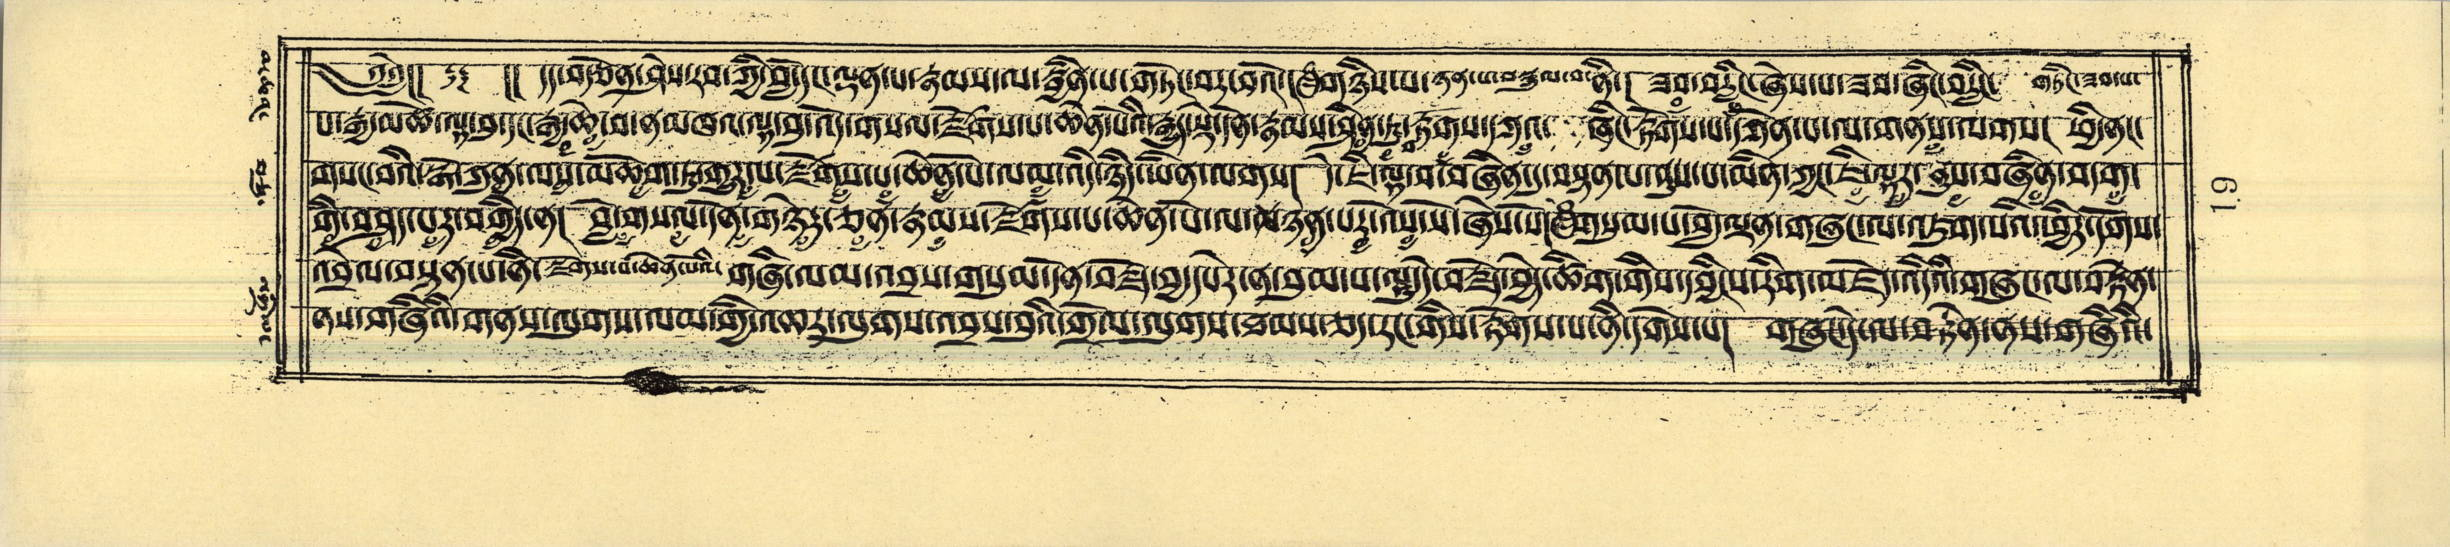དད་བརྩོན་ཤེས་རབ་ཀྱི་བློ་དང་ལྡན་པ་རྣམས་ལ་སྦྱིན་པ་གཏོང་བར་བྱའོ།། ༧ གཉིས་པ་༼ཉན་པར་བསྐུལ་བ་༽ནི། ཟབ་བརླིང་ཞེས་པ་ཟབ་ཞིང་བརླིང་། ༼གཏིང་ཟབ་པ༽
རྒྱ་མཚོ་ལྟ་བུ་དང་རྒྱ་ཆེ་བ་ནམ་མཁའ་ལྟ་བུ་འོད་གསལ་རྫོགས་པ་ཆེན་པོའི་རྒྱུད་སྡེ་དོན་རྣམས་ཤིན་ཏུ་རྟོགས་དཀའ་ཞིང་རྟོགས་པ་དཀོན་པ་ལ་གནས་ལགས། ཕྱི་ནང་
གསང་བའི་སྒོ་ཀུན་ལས་མཆོག་ཏུ་གྱུར་པ་རྫོགས་པ་ཆེན་པོ་ལམ་འདི་ཉིད་ཡིན་ལགས། དེ་ཇི་ལྟ་བ་བཞིན་དུ་བསྟན་པ་ནུས་པ་ཡིན་ཀྱང་ཇི་ལྟར་ནུས་བཞིན་བདག་
གིས་བཤད་པར་བགྱིད་ན། བློ་གསལ་དོན་གཉེར་ཅན་རྣམས་རྫོགས་པ་ཆེན་པོ་ལ་མཉན་པར་འོས་སོ་ཞེས་སོ།། ༧ གསུམ་པ་བློ་ལྡན་གཞུང་ལ་འཇུག་པའི་ཕྱིར་དགོས་
འབྲེལ་བསྟན་པ་ནི།༼རྫོགས་པ་ཆེན་པོའི༽གཞི་ལམ་འབྲས་གསུམ་དོན་བརྗོད་བྱ་དཔེར་ན་བུམ་པ་ལྟ་བུ་དེ་རྗོད་བྱེད་ཚིག་གིས་དབྱིངས་རིག་མཛོད་འདིའི་གཞུང་ལ་བརྟེན་
ནས་གཞིའི་གནས་ལུགས་ལམ་གྱི་འཆར་ལུགས་འབྲས་བུའི་གྲོལ་ལུགས་ཐམས་ཅད་རང་གིས་རྟོགས་པ་ནི་དགོས་པ། གཞུང་དེ་ལ་བརྟེན་ནས་གཞིའི་